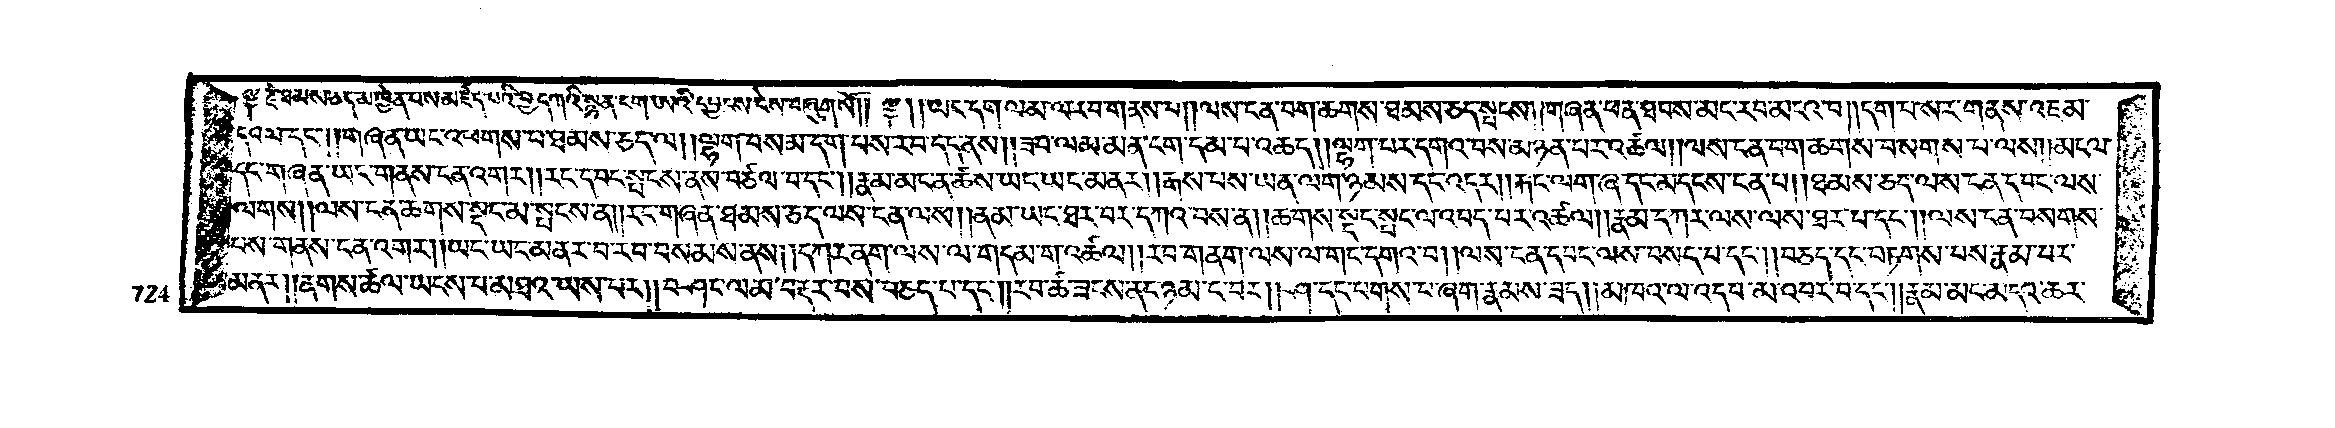༈ རྗེ་ཐམས་ཅད་མཁྱེན་པས་མཛད་པའི་བྱ་དགའི་སྙན་ངག་ཨཱི་དབྱངས་ངེས་བཞུགས་སོ།། ༈ །།ཡང་དག་ལམ་ལ་རབ་གནས་པ། །ལས་ངན་བག་ཆགས་ཐམས་ཅད་སྤངས། །གཞན་ཕན་ཐབས་མང་རབ་མངའ་བ། །དག་པ་སར་གནས་འཇམ་
དཔལ་དང་། །གཞན་ཡང་འཕགས་པ་ཐམས་ཅད་ལ། །ལྷག་བསམ་དག་པས་རབ་དད་ནས། །ཟབ་ལམ་མན་ངག་དམ་པ་འཆད། །ལྷག་པར་དགའ་བས་མཉན་པར་འཚལ། །ལས་ངན་བག་ཆགས་བསགས་པ་ལས། །མངལ་
དང་གཞན་ཡང་གནས་ངན་འགར། །རང་དབང་སྤངས་ནས་བཙལ་བ་དང་། །རྣམ་མང་ན་ཚེས་ཡང་ཡང་མནར། །རྒས་པས་ཡན་ལག་ཉམས་དང་འདར། །རྐང་ལག་ཞ་དང་མདངས་ངན་པ། །ཐམས་ཅད་ལས་ངན་དབང་ལས་
ལགས། །ལས་ངན་ཆགས་སྡང་མ་སྤངས་ན། །རང་གཞན་ཐམས་ཅད་ལས་ངན་ལས། །ནམ་ཡང་ཐར་བར་དཀའ་བས་ན། །ཆགས་སྡང་སྤང་ལ་འབད་པར་འཚལ། །རྣམ་དཀར་ལས་ལས་ཐར་པ་དང་། །ལས་ངན་བསགས་
པས་གནས་ངན་འགར། །ཡང་ཡང་མནར་བ་རབ་བསམས་ནས། །དཀར་ནག་ལས་ལ་གདམ་ག་འཚལ། །རབ་གནག་ལས་ལ་གང་དགའ་བ། །ལས་ངན་དབང་ལས་བསད་པ་དང་། །བཅད་དང་བཏགས་པས་རྣམ་པར་
མནར། །ནགས་ཚལ་ཡངས་པ་མཐའ་ཡས་པར། །བཤད་ལམ་བརྡར་བས་བཅད་པ་དང་། །རབ་ཚ་ཟངས་ནང་ཉམ་ང་བར། །ཤ་དང་པགས་པ་ཞག་རྣམས་ཟད། །མཁའ་ལ་འདབ་མ་འབར་བ་དང་། །རྣམ་མང་མདའ་ཚར་